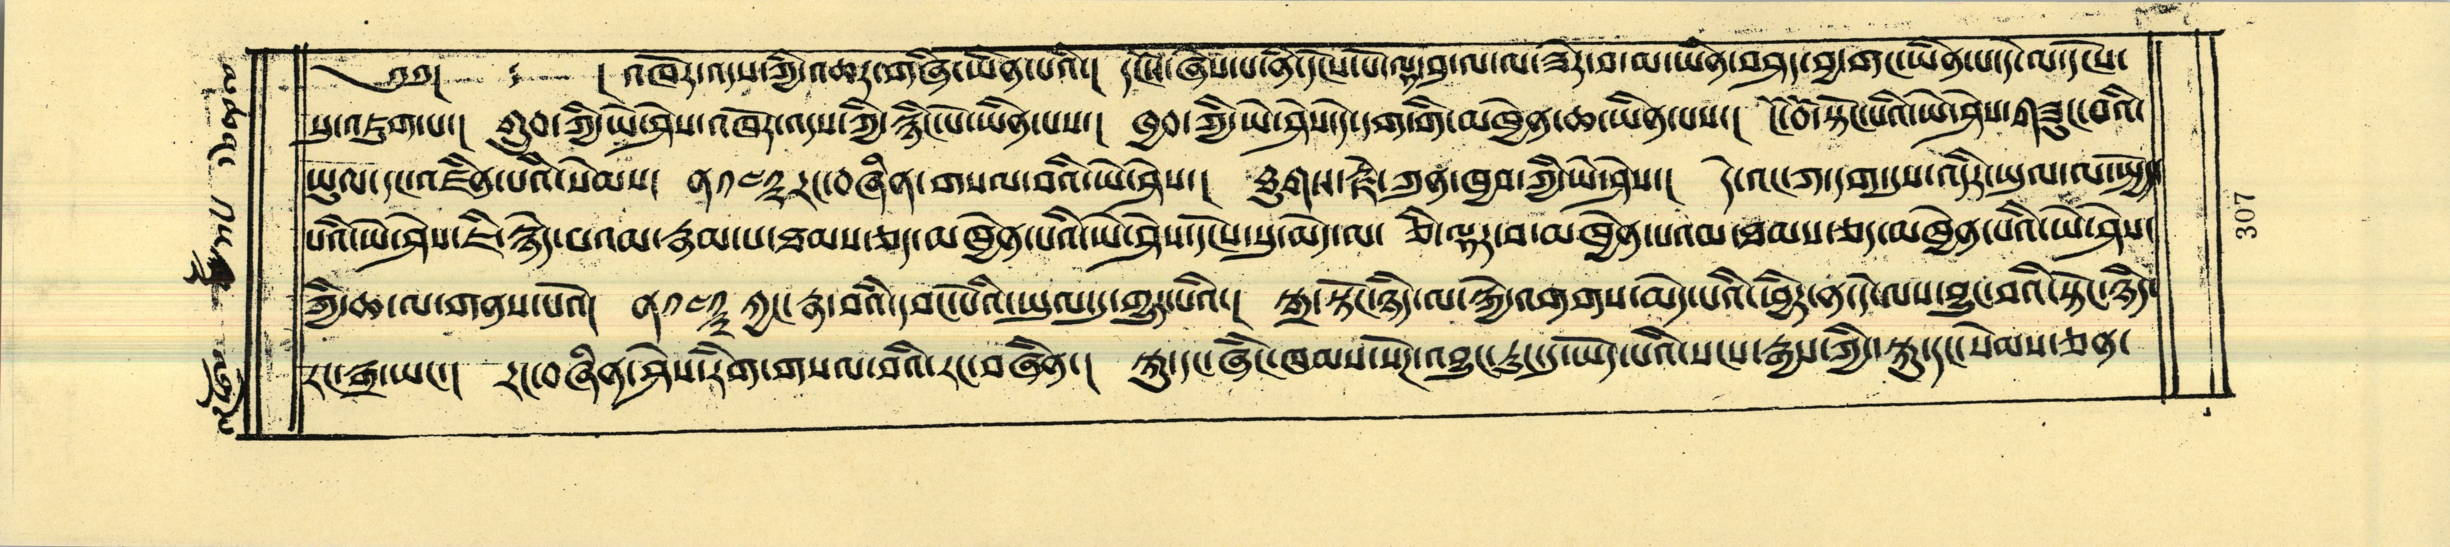འཁོར་འདས་ཀྱི་འཆར་གཞི་ཡིན་པའི། ༼དངོས་༽ཞེས་པ་ནི་དངོས་པོ་ལྟ་བུ་ལ་ཟེར་བ་མ་ཡིན་བཤད་བྱ་གང་ཡིན་པ་དེ་ལ་དངོས་
སུ་འཇུག་པ། ༼གྲུབ་༽ཀྱི་ཡེ་ཤེས་འཁོར་འདས་ཀྱི་སྙིང་པོ་ཡིན་པས། ༼ཁྱབ་༽ཀྱི་ཡེ་ཤེས་དེ་དག་གི་མཁྱེན་ཆ་ཡིན་པས། ༼ངོ་བོ་༽སྟོང་པའི་ཡེ་ཤེས་ ༼གཟུང་༽བའི་ 
༼ཡུལ་༽དང་འཛིན་པའི་སེམས་ན༡༤༡།༢ ༼རང་བཞིན་༽གསལ་བའི་ཡེ་ཤེས། ༼ཐུགས་རྗེ་༽ཀུན་ཁྱབ་ཀྱི་ཡེ་ཤེས། ༼དེ་༽འང་ཀ་དག་དུས་འདིར་ཡུལ་ལ་སྤྱོད་
པའི་ཡེ་ཤེས་ཇི་སྙེད་པའམ་རྣམ་པ་ཐམས་ཅད་མཁྱེན་པའི་ཡེ་ཤེས་དངོས་སུ་མེད་ལ། ཅི་ལྟར་བ་མཁྱེན་པའམ་ཐམས་ཅད་མཁྱེན་པའི་ཡེ་ཤེས་
ཀྱི་ཆ་ལ་གནས་པའོ། ན༡༤༡།༣ ༼ཀྱང་༽རྣ་བའི་དབང་པོའི་ཡུལ་དུ་གྱུར་པའི། ༼སྒྲ་༽སྟོང་ཉིད་ལ་སྐྱེ་འགགས་མེད་པའི་ཕྱིར་ན་དེ་ལས་བྱུང་བའི་སྟོང་ཉིད་
རང་སྒྲ་ཡང། ༼རང་བཞིན་༽ཤེས་རིག་གསལ་བའི་རང་བཞིན། ༼སྐུ་༽དང་ཞིང་ཁམས་སོགས་འབྱུང་རུང་དུ་ཡོད་པའི་སངས་རྒྱས་ཀྱི་ ༼སྐུ་དང་༽སེམས་ཅན་